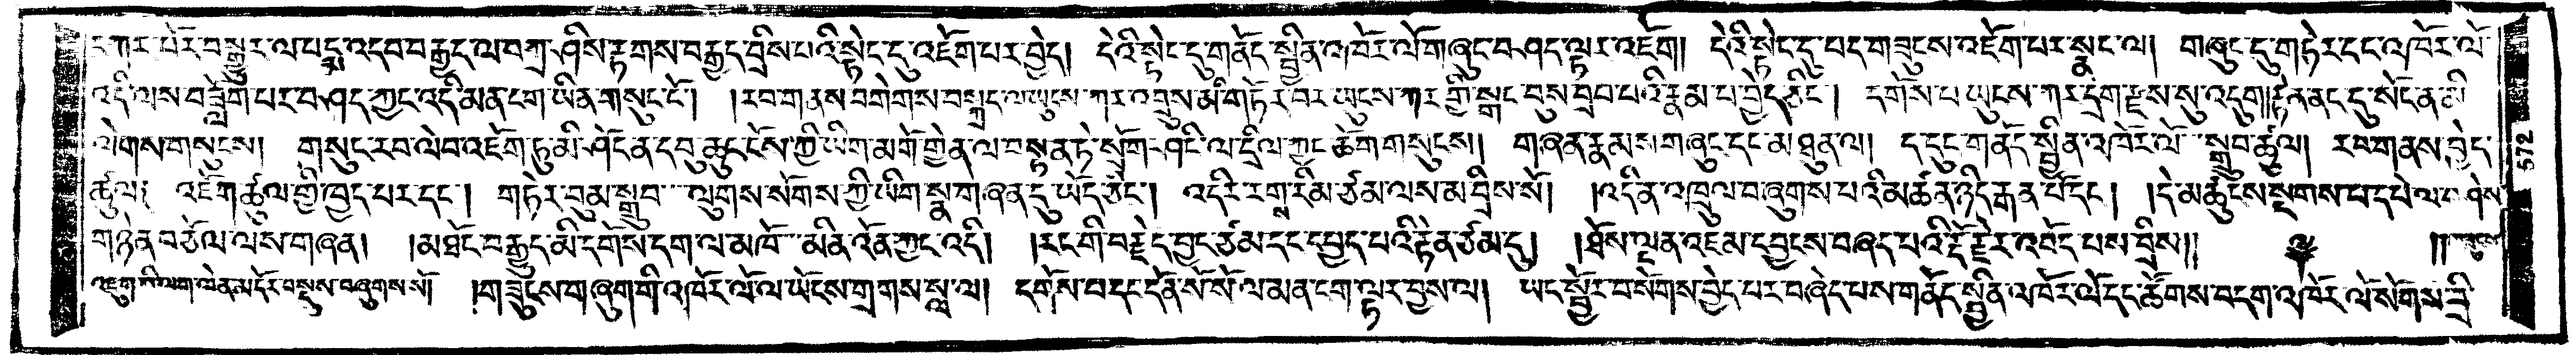དཀར་པོར་བསྒྱུར་ལ་པདམ་འདབ་བརྒྱད་ལ་བཀྲ་ཤིས་རྟགས་བརྒྱད་བྲིས་པའི་སྟེང་དུ་འཇོག་པར་བྱེད། དེའི་སྟེང་དུ་གནོད་སྦྱིན་འཁོར་ལོ་གཞུང་བཤད་ལྟར་འཇོག །དེའི་སྟེང་དུ་བད་གཟུངས་འཇོག་པར་སྣང་ལ། གཞུང་དུ་གཏེར་དང་འཁོར་ལོ་
འདི་ལས་བཟློག་པར་བཤད་ཀྱང་འདི་མན་ངག་ཡིན་གསུང་ངོ། །རབ་གནས་བགེགས་བསྐྲང་ལ་ཡུངས་ཀར་འབྲུམ་མ་གཏོར་བར་ཡུངས་ཀར་གྱི་སྒང་བུས་བྲབ་པའི་རྣམ་པ་བྱེད་ཅིང་། དགོས་པ་ཡུངས་ཀར་དྲག་རྫས་སུ་འདུག །རྟེན་ནང་དུ་སོང་ན་མི་
ལེགས་གསུངས། གསུང་རབ་ལེབ་འཇོག་ཏུ་མི་ཤོང་ན་དབུ་ཆུང་ངོས་ཀྱི་ཡིག་མགོ་གྱེན་ལ་བསྟན་ཏེ་སྲོག་ཤིང་ལ་དྲིལ་ཀྱང་ཆོག་གསུངས། གཞན་རྣམས་གཞུང་དང་མཐུན་ལ། ད་དུང་གནོད་སྦྱིན་འཁོར་ལོ་སྒྲུབ་ཚུལ། རབ་གནས་བྱེད་
ཚུལ། འཇོག་ཚུལ་གྱི་ཁྱད་པར་དང་། གཏེར་བུམ་སྒྲུབ་ལུགས་སོགས་ཀྱི་ཡིག་སྣ་གཞན་དུ་ཡོད་ཅང་འདིར་རགས་རིམ་ཙམ་ལས་མ་བྲིས་སོ། །འདི་ན་འཁྲུལ་བཞུགས་པའི་མཉམ་ཉིད་རྒན་པོ་དང་། །དེ་མཚུངས་སྔགས་པ་དཔེལ་བཤེས་
གཉེན་བཅོལ་ལས་གཞན། །མཐོང་རྒྱུད་མི་དགོས་དག་ལ་མཁོ་མིན་འོན་ཀྱང་འདི། །རང་གི་བརྗེད་བྱང་ཙམ་དང་དཔྱད་པའི་རྟེན་ཙམ་དུ། །ཐོས་ལྡན་འཇམ་དབྱངས་བཞད་པའི་རྡོ་རྗེར་འབོད་པས་བྲིས།། ༈ །།??
འཇུག་སི??ལ་གླེན་མདོར་བསྡུས་བཞུགས་སོ། །གཟུངས་གཞུག་གི་འཁོར་ལོ་ལ་ཡོངས་གྲགས་སླ་ལ། དགོས་བདང་དོན་སོ་སོ་ལ་མན་ངག་ལྟར་བྱས་ལ། ཡང་སྦྱོར་བ་སོགས་བྱེད་པར་བཞེད་པས་གནོད་སྦྱིན་འཁྲོ་ལོ་དང་ཚོགས་བདག་འཁོར་ལོ་སོགས་བྲི་